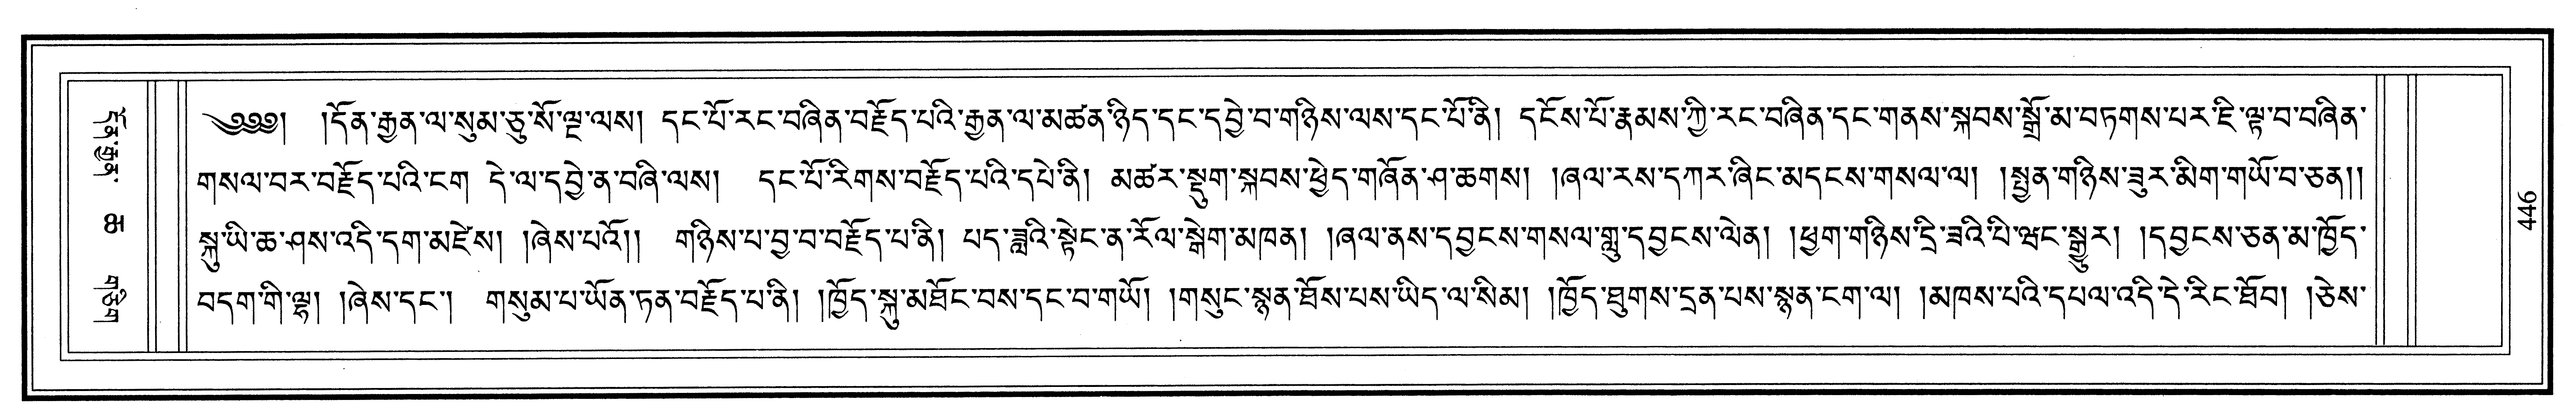༄༅༅། །དོན་རྒྱན་ལ་སུམ་ཅུ་སོ་ལྔ་ལས། དང་པོ་རང་བཞིན་བརྗོད་པའི་རྒྱན་ལ་མཚན་ཉིད་དང་དབྱེ་བ་གཉིས་ལས་དང་པོ་ནི། དངོས་པོ་རྣམས་ཀྱི་རང་བཞིན་དང་གནས་སྐབས་སྒྲོ་མ་བཏགས་པར་ཇི་ལྟ་བ་བཞིན་
གསལ་བར་བརྗོད་པའི་ངག་དེ་ལ་དབྱེ་ན་བཞི་ལས། དང་པོ་རིགས་བརྗོད་པའི་དཔེ་ནི། མཚར་སྡུག་སྐབས་ཕྱེད་གཞོན་ཤ་ཆགས། །ཞལ་རས་དཀར་ཞིང་མདངས་གསལ་ལ། །སྤྱན་གཉིས་ཟུར་མིག་གཡོ་བ་ཅན།།
སྐུ་ཡི་ཆ་ཤས་འདི་དག་མཛེས། །ཞེས་པའོ།། གཉིས་པ་བྱ་བ་བརྗོད་པ་ནི། པད་ཟླའི་སྟེང་ན་རོལ་སྒེག་མཁན། །ཞལ་ནས་དབྱངས་གསལ་གླུ་དབྱངས་ལེན། །ཕྱག་གཉིས་དྲི་ཟའི་པི་ཝང་སྒྱུར། །དབྱངས་ཅན་མ་ཁྱོད་
བདག་གི་ལྷ། །ཞེས་དང་། གསུམ་པ་ཡོན་ཏན་བརྗོད་པ་ནི། །ཁྱོད་སྐུ་མཐོང་བས་དང་བ་གཡོ། །གསུང་སྙན་ཐོས་པས་ཡིད་ལ་སིམ། །ཁྱོད་ཐུགས་དྲན་པས་སྙན་ངག་ལ། །མཁས་པའི་དཔལ་འདི་དེ་རིང་ཐོབ། །ཅེས་